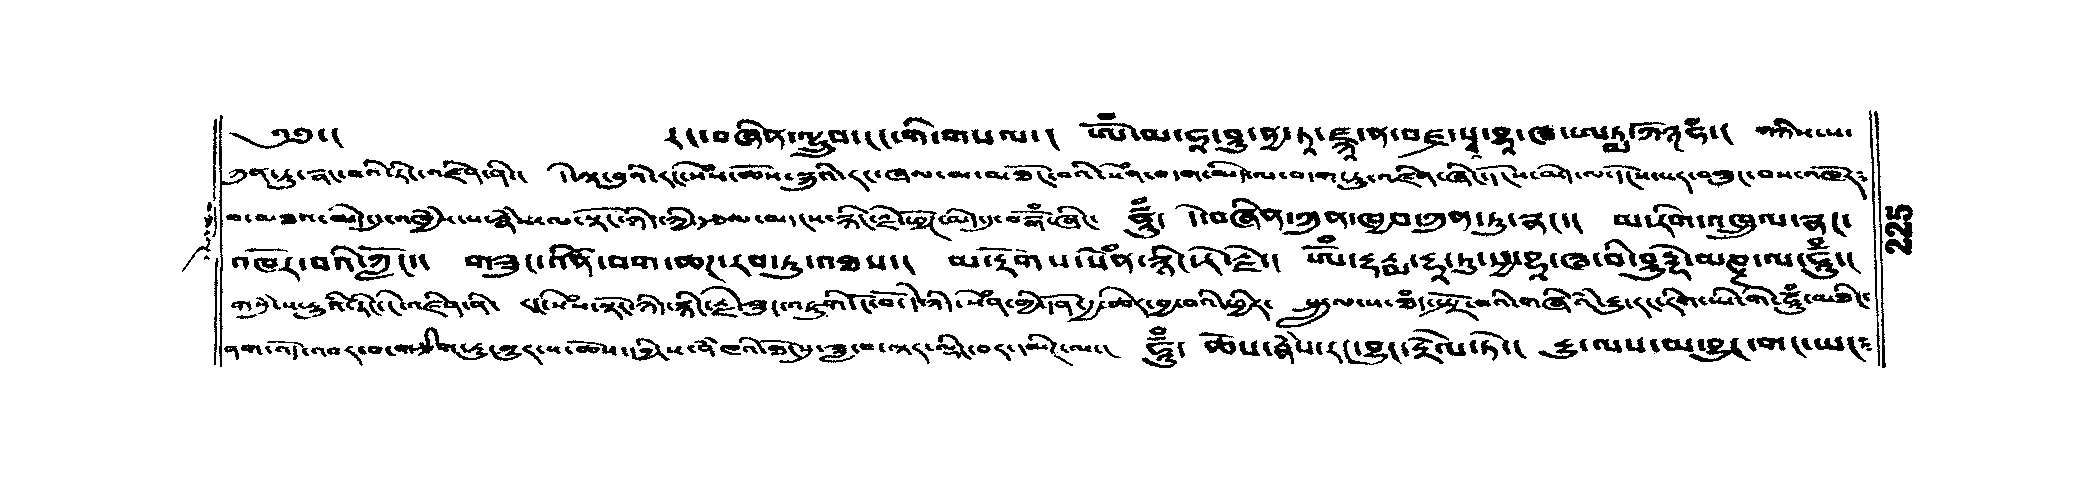རང་བཞིན་ལྷུན་གྲུབ་ངང་གིས་གསལ། །ཨོཾ་མ་ཧཱ་ཤུནྱ་ཏཱ་ཛྙཱ་ན་བཛྲ་སྭཱ་བྷཱ་ཝ་ཨཏྨ་ཀོཉཧཾ། གཉིས་པ་
ཀུན་ཏུ་སྣང་བའི་ཏིང་འཛིན་ནི། དེ་ལྟ་བུའི་རང་སེམས་ཆོས་སྐུའི་རང་ཞལ་མ་མཐོང་བའི་སེམས་ཅན་བདག་མེད་ལ་བདག་ཏུ་འཛིན་ཞིང་དངོས་མེད་ལ་དངོས་པོར་བཟུང་བས་འཁོར་
མ་མཐའ་མེད་དུ་འཁྱམས་པ་རྣམས་ལ་སྟོང་ཉིད་ཀྱི་རྩལ་མདངས་སྙིང་རྗེ་ཕྱོགས་མེད་དུ་བསྒོམ་ཞིང་། ཧཱུྃ། དེ་བཞིན་ཀུན་ཁྱབ་ཀུན་ཏུ་སྣང་། །མ་རིག་འཁྲུལ་སྣང་
འཁོར་བའི་ཀློང་། །གཟུང་འཛིན་བག་ཆགས་རབ་ཏུ་འཐས། མ་རྟོགས་སེམས་ཅན་སྙིང་རེ་རྗེ། །ཨོཾ་དྷརྨ་དྷཱ་ཏུ་པྱ་བྷཱ་ཝ་བི་ཤུདྡྷེ་མཎྜ་ལ་ཧཱུྃ།
གསུམ་པ་རྒྱུའི་ཏིང་ངེ་འཛིན་ནི། རང་སེམས་སྟོང་ཉིད་སྙིང་རྗེ་ཟུང་འཇུག་གི་ངོ་བོ་དེ་ཉིད་སེམས་ཅན་གྱི་དོན་རྒྱ་ཆེར་བྱ་བའི་ཕྱིར། སྤྲུལ་པ་ཐམས་ཅད་སྤྲོ་བའི་གཞིའམ་རང་རྒྱུ་རང་རིག་ཡི་གེ་ཧཱུྃ་མཐིང་
ནག་འོད་འབར་བ་གཅིག་ཏུ་གྱུར་པ་ཆོས་དབྱིངས་ནམ་མཁའི་ཐོངས་སུ་ཟླ་བ་ལྟར་ལྡིང་བར་དམིགས་ལ། ཧཱུྃ། ཆོས་རྣམས་རང་བྱུང་རྟེན་འབྲེལ་ཏེ། །རྒྱུ་ལས་མ་བྱུང་གང་ཡང་